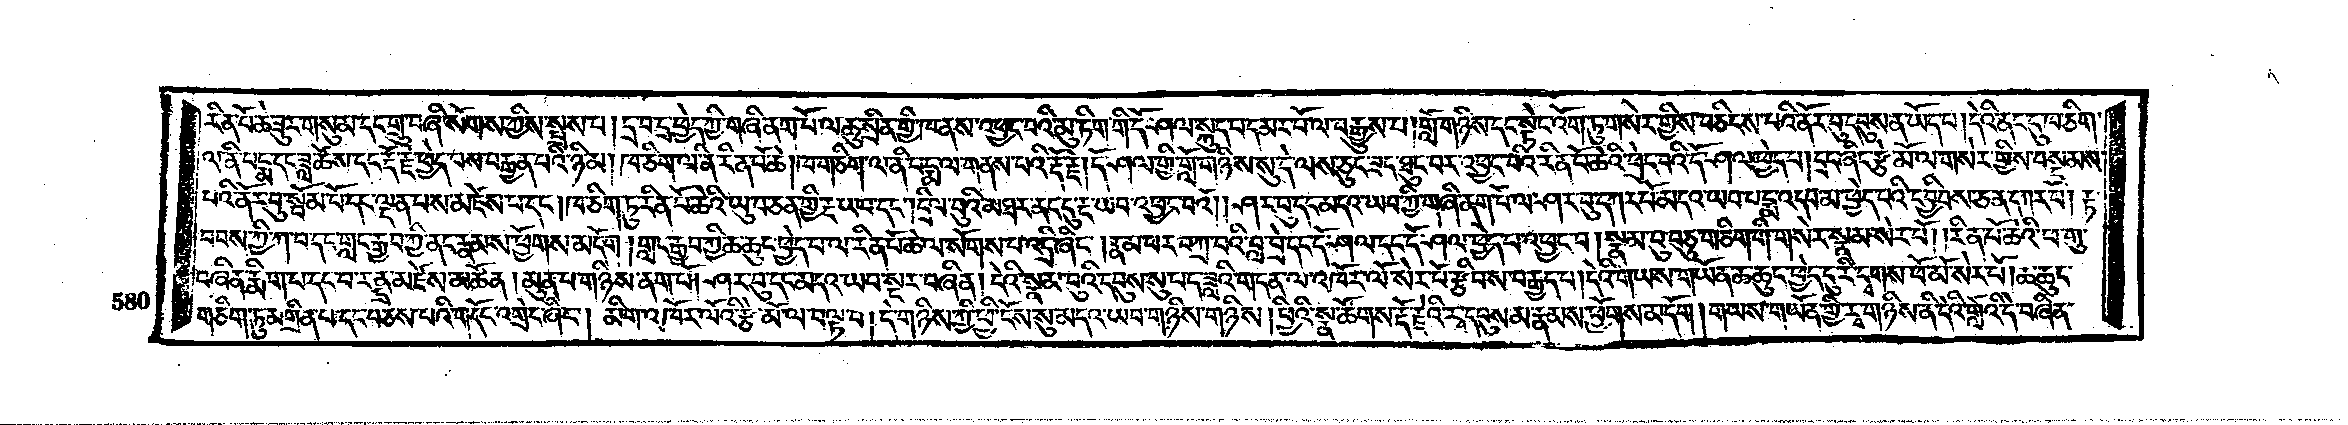རིན་པོ་ཆེ་ཟུར་གསུམ་དང་གྲུ་བཞི་སོགས་ཀྱིས་སྤྲས་པ། དྲ་བ་དྲ་ཕྱེད་ཀྱི་གཞི་ནག་པོ་ལ་ཆུ་སྲིན་གྱི་ཁ་ནས་འཕྱང་བའི་མུ་ཏིག་གི་དོ་ཤལ་སྐུད་པ་དམར་པོ་ལ་བརྒྱུས་པ། གློ་གཉིས་དང་སྟེང་འོག་ཏུ་གསེར་གྱིས་བཅིངས་པའི་ནོར་བུ་དབུས་ན་ཡོད་པ། དེའི་ནང་དུ་ཁ་ཅིག་
ལ་ནི་པདམ་དང་ཟླ་ཚེས་དང་རྡོ་རྗེ་ཕྱེད་པས་བརྒྱན་པའི་ཉི་མ། ཁ་ཅིག་ལ་ནི་རིན་པོ་ཆེ། ཁ་གཅིག་ལ་ནི་པདམ་ལ་གནས་པའི་རྡོ་རྗེ། དོ་ཤལ་གྱི་གློ་གཉིས་སུ་དེ་ལས་ཅུང་ཟད་ཐུང་བར་འཕྱང་བའི་རིན་པོ་ཆེའི་ཕྲེང་བའི་དོ་ཤལ་ཕྱེད་པ། དྲང་ཞིང་རྩེ་མོ་ལ་གསེར་གྱིས་བསྡམས་
པའི་ནོར་བུ་སྦོམ་པོ་དང་ལྡན་པས་མཛེས་པ་དང་། ཁ་ཅིག་ཏུ་རིན་པོ་ཆེའི་ཡུ་བ་ཅན་གྱི་རྔ་ཡབ་དང་། དྲིལ་བུའི་མཐར་ནང་དུ་རྔ་ཡབ་འཕྱང་བའོ། །ཤར་བུ་དང་མདའ་ཡབ་ཀྱི་གཞི་ནག་པོ་ལ་ཤར་བུ་དཀར་པོ་མདའ་ཡབ་པདམ་འདབ་མ་ཕྱེད་པའི་དབྱིབས་ཅན་དཀར་པོ། རྟ་
བབས་ཀྱི་ཀ་བ་དང་གླང་རྒྱབ་ཀྱི་ནང་རྣམས་ཕྱོགས་མདོག །གླང་རྒྱབ་ཀྱི་ཆ་ཆུང་ཕྱེད་པ་ལ་རིན་པོ་ཆེ་ལ་སོགས་པ་འདྲི་ཞིང་། རྣམ་པར་བཀྲ་བའི་བླ་བྲེ་དང་དོ་ཤལ་དང་དོ་ཤལ་ཕྱེད་པ་འཕྱང་བ། སྣམ་བུ་བཅུ་གཅིག་གི་གསེར་སྣམ་སེར་པོ། །རིན་པོ་ཆེའི་ཕ་གུ་
བཞིན་རྨིག་པ་དང་བ་རནྡྲ་མཛེས་མཚོན། མུན་པ་གཉིས་ནག་པོ། ཤར་བུ་དང་མདའ་ཡབ་སྔར་བཞིན། དེའི་སྣམ་བུའི་དབུས་སུ་པད་ཟླའི་གདན་ལ་འཁོར་ལོ་སེར་པོ་རྩིབས་བརྒྱད་པ། དེའི་གཡས་གཡོན་ཆ་ཆུང་ཕྱེད་དུ་རི་དྭགས་ཕོ་མོ་སེར་པོ། ཆ་ཆུང་
གཅིག་ཏུ་མགྲིན་པ་དང་བཅས་པའི་གདོང་འགྲེང་ཞིང་། མིག་འཁོར་ལོའི་རྩེ་མོ་ལ་བལྟ་བ། དེ་གཉིས་ཀྱི་ཕྱི་ངོས་སུ་མདའ་ཡབ་གཉིས་གཉིས། ཕྱིའི་སྣ་ཚོགས་རྡོ་རྗེའི་རྭ་དབུས་མ་རྣམས་ཕྱོགས་མདོག །གཡས་གཡོན་གྱི་རྭ་གཉིས་ནི་དེའི་གློའི་དེ་བཞིན་